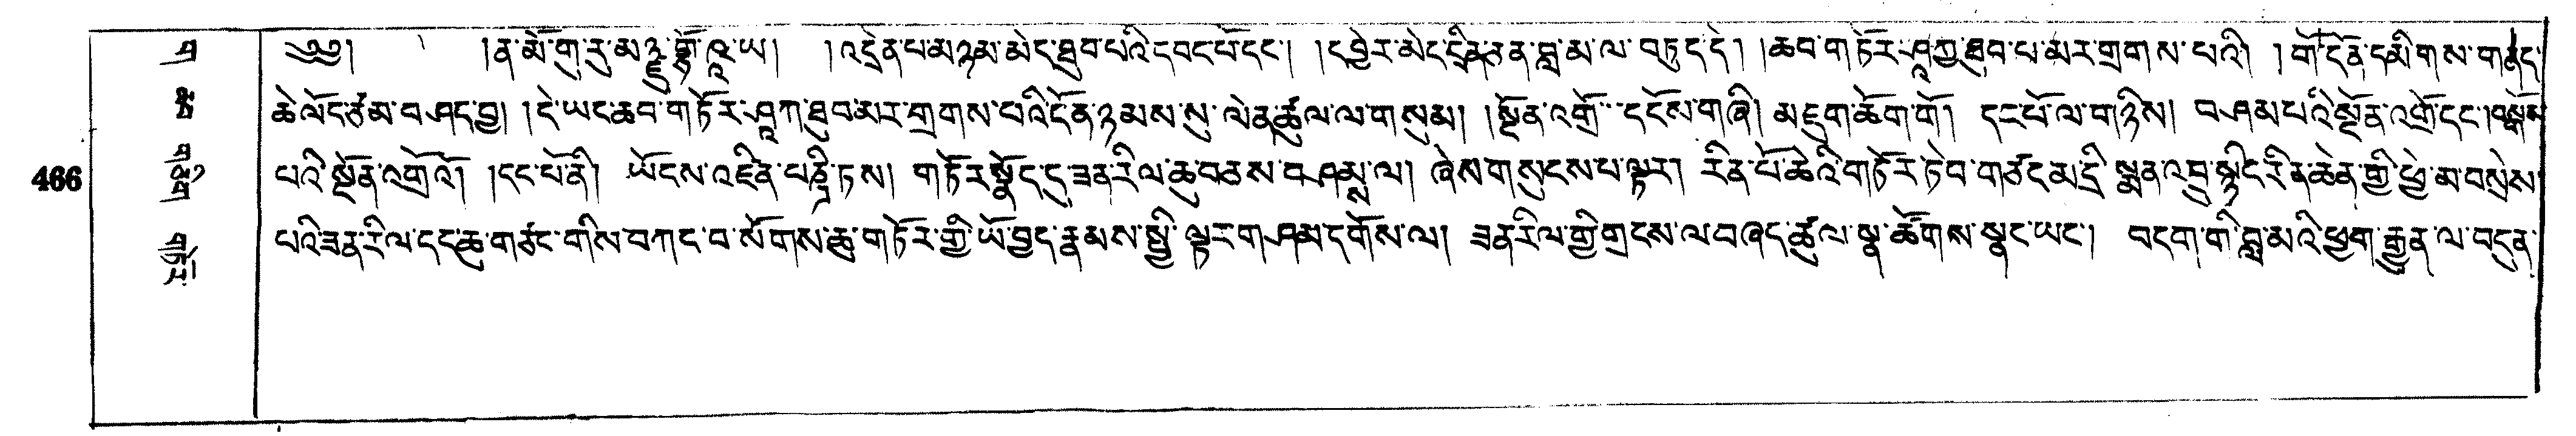༄༅། །ན་མོ་གུ་རུ་མཉྫུ་གྷོ་ཥཱ་ཡ། །འདྲེན་པ་མཉམ་མེད་ཐུབ་པའི་དབང་པོ་དང་། །དབྱེར་མེད་དྲིན་ཅན་བླ་མ་ལ་བཏུད་དེ། །ཆབ་གཏོར་ཤཱཀྱ་ཐུབ་པ་མར་གྲགས་པའི། །གོ་དོན་དམིགས་གནད་
ཆེ་ལོང་ཙམ་བཤད་བྱ། །དེ་ཡང་ཆབ་གཏོར་ཤཱཀྱ་ཐུབ་མར་གྲགས་པའི་དོན་ཉམས་སུ་ལེན་ཚུལ་ལ་གསུམ། །སྔོན་འགྲོ་དངོས་གཞི། མཇུག་ཆོག་གོ། དང་པོ་ལ་གཉིས། བཤམ་པའི་སྔོན་འགྲོ་དང་། བསྒོས་
པའི་སྔོན་འགྲོའོ། །དང་པོ་ནི། ཡོངས་འཛིན་པཎྜི་ཏས། གཏོར་སྣོད་དུ་ཟན་རིལ་ཆུ་བཅས་བཤམས་ལ། ཞེས་གསུངས་པ་ལྟར། རིན་པོ་ཆེའི་གཏོར་ཏེབ་གཙང་མ་དྲི་སྨན་འབྲུ་སྙིང་རིན་ཆེན་གྱི་ཕྱེ་མ་བསྲེས་
པའི་ཟན་རིལ་དང་ཆུ་གཙང་གིས་བཀང་བ་སོགས་ཆུ་གཏོར་གྱི་ཡོ་བྱད་རྣམས་སྤྱི་ལྟར་གཤམ་དགོས་ལ། ཟན་རིལ་གྱི་གྲངས་ལ་བཞད་ཚུལ་སྣ་ཚོགས་སྣང་ཡང་། བདག་གི་བླ་མའི་ཕྱག་རྒྱུན་ལ་བདུན་